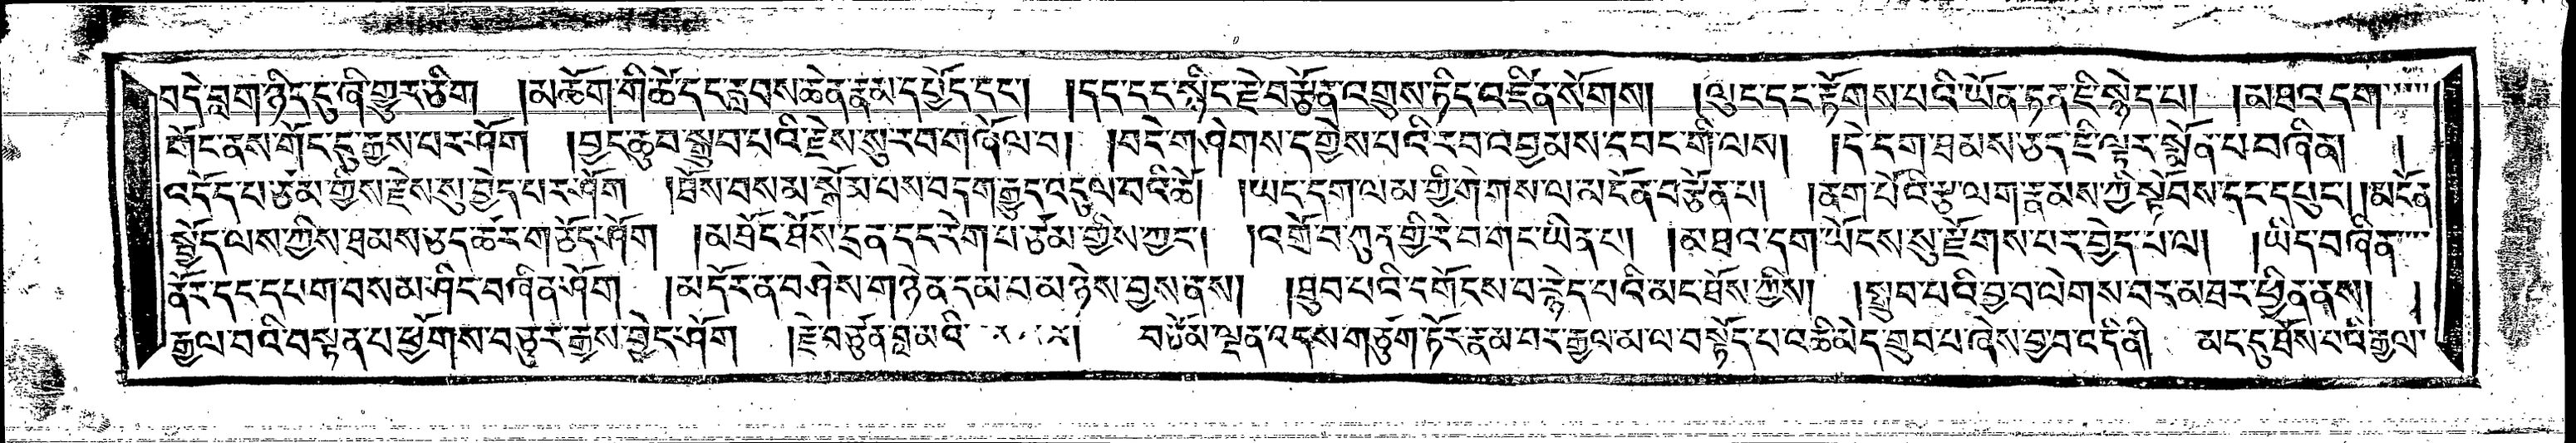བདེ་བླག་ཉིད་དུ་ཞི་གྱུར་ཅིག །མཆོག་གི་ཚེ་དང་རླབས་ཆེན་རྣམ་དཔྱོད་དང་། །དད་དང་སྙིང་རྗེ་བརྩོན་འགྲུས་ཏིང་འཛིན་སོགས། །ལུང་དང་རྟོགས་པའི་ཡོན་ཏན་ཇི་སྙེད་པ། །མཐའ་དག་
གོང་ནས་གོང་དུ་རྒྱས་པར་ཤོག །བྱང་ཆུབ་སྒྲུབ་པའི་རྗེས་སུ་རབ་གཞོལ་བ། །བདེ་གཤེགས་དགྱེས་པའི་རབ་འབྱམས་དབང་གི་ལས། །དེ་དག་ཐམས་ཅད་ཇི་ལྟར་སྨོན་པ་བཞིན། །
འདོད་པ་ཙམ་གྱིས་རྗེས་སུ་བྱེད་པར་ཤོག །ཐོས་བསམ་སྒོམ་པས་བདག་རྒྱུད་འདུལ་བའི་ཚེ། །ཡང་དག་ལམ་གྱི་གེགས་ལ་མངོན་བརྩོན་པ། །ནག་པོའི་རྩ་ལག་རྣམས་ཀྱི་སྟོབས་དང་དཔུང་། །མངོན་
སྦྱོད་ལས་ཀྱིས་ཐམས་ཅད་ཚར་གཅོད་ཤོག །མཐོང་ཐོས་དྲན་དང་རེག་པ་ཙམ་གྱིས་ཀྱང་། །འགྲོ་བ་ཀུན་གྱི་རེ་བ་གང་ཡིན་པ། །མཐའ་དག་ཡོངས་སུ་རྫོགས་པར་བྱེད་པ་ལ། །ཡིད་བཞིན་
ནོར་དང་དཔག་བསམ་ཤིང་བཞིན་ཤོག །མདོར་ན་བཤེས་གཉེན་དམ་པ་མཉེས་བྱས་ནས། །ཐུབ་པའི་དགོངས་པ་རྙེད་པའི་མང་ཐོས་ཀྱིས། །སྒྲུབ་པའི་བྱ་བ་ལེགས་བར་མཐར་ཕྱིན་ནས། །
རྒྱལ་བའི་བསྟན་པ་ཕྱོགས་བཅུར་རྒྱས་བྱེད་ཤོག །རྗེས་བཙུན་བླ་མའི་{྾་྾་྾}། བཅོམ་ལྡན་འདས་གཙུག་ཏོར་རྣམ་པར་རྒྱལ་མ་ལ་བསྟོད་པ་འཆི་མེད་གྲུབ་པ་ཞེས་བྱ་བ་འདི་ནི། མང་དུ་ཐོས་པའི་རྒྱལ་